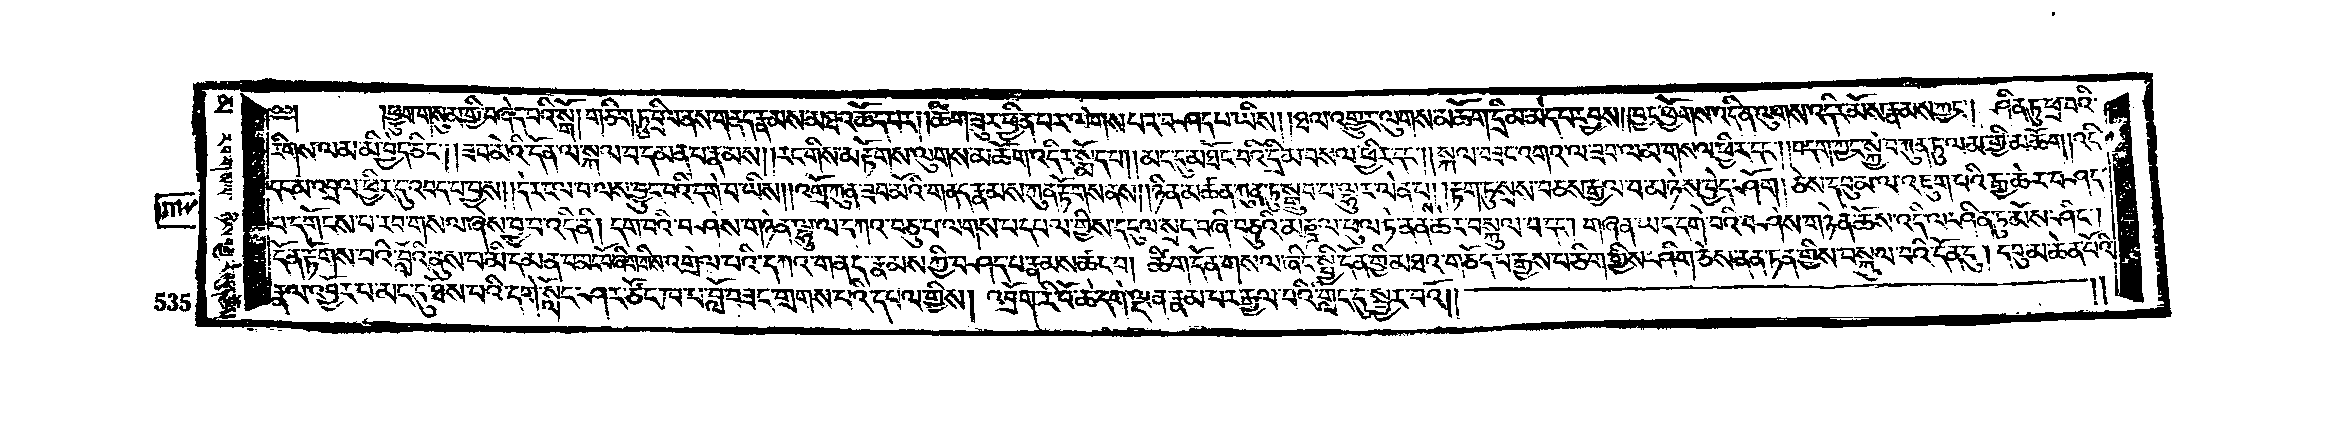༄༅། །ཕྱུག་གསུམ་གྱི་བཞེད་པའི་སྒོ། གཅིག་ཏུ་དྲིལ་ནས་གནད་རྣམས་མཐའ་ཆོད་པར། །ཚིག་ཟུར་ཕྱིན་པར་ལེགས་པར་བཤད་པ་ཡིས། །ཐལ་འགྱུར་ལུགས་མཆོག་དྲི་མ་མེད་པར་བྱས། །བྱང་ཕྱོགས་འདི་ན་ལུགས་འདིར་མོས་རྣམས་ཀྱང་། །ཤིན་ཏུ་ཕྲ་བའི་
རིགས་ལམ་མི་བྱེད་ཅིང་། །ཟབ་མོའི་དོན་ལ་སྐལ་བ་དམན་པ་རྣམས། །རང་གིས་མ་རྟོགས་ལུགས་མཆོག་འདིར་སྨོད་པ། །མང་དུ་མཐོང་བའི་དྲི་མ་བསལ་ཕྱིར་དང་། །སྐལ་བཟང་འགའ་ལ་ཟབ་ལམ་གསལ་ཕྱིར་དང་། །བདག་ཀྱང་སྐྱེ་བ་ཀུན་ཏུ་ལམ་གྱི་མཆོག །འདི་
དང་མི་འབྲལ་ཕྱིར་དུ་འབད་པ་བྱས། །དེར་ངལ་བ་ལས་བྱུང་བའི་དགེ་བ་ཡིས། །འགྲོ་ཀུན་ཟབ་མོའི་གནད་རྣམས་ཀུན་རྟོགས་ནས། །ཉིན་མཚན་ཀུན་ཏུ་སྒྲུབ་པ་ལྷུར་ལེན་པས། །རྟག་ཏུ་སྲས་བཅས་རྒྱལ་བ་མཉེས་བྱེད་ཤོག །ཅེས་དབུ་མ་ལ་འཇུག་པའི་རྒྱ་ཆེར་བཤད་
པ་དགོངས་པ་རབ་གསལ་ཞེས་བྱ་བ་འདི་ནི། དགེ་བའི་བཤེས་གཉེན་ལྷུ་ལ་དཀའ་བཅུ་པ་ལགས་པ་དཔལ་གྱིས་དངུལ་སྲང་བཞི་བཅུའི་མཎྜལ་ཕུལ་ཏེ་ནན་ཆེར་བསྐུལ་བ་དང་། གཞན་ཡང་དགེ་བའི་བཤེས་གཉེན་ཆོས་འདི་ལ་ཤིན་ཏུ་མོས་ཤིང་།
དོན་རྟོགས་པའི་བློའི་ནུས་པ་མི་དམན་པ་མང་པོ་ཞིག་གིས་འགྲེལ་པའི་དཀའ་གནད་རྣམས་ཀྱི་བཤད་པ་རྣམས་ཚང་བ། ཚིག་དོན་གསལ་ཞིང་སྤྱི་དོན་གྱི་མཐའ་གཅོད་པ་རྒྱས་པ་ཞིག་གྱིས་ཤིག་ཅེས་ནན་ཏན་གྱིས་བསྐུལ་བའི་དོན་དུ། དབུ་མ་ཆེན་པོའི་
རྣལ་འབྱོར་པ་མང་དུ་ཐོས་པའི་དགེ་སློང་ཤར་ཙོང་ཁ་པ་བློ་བཟང་གྲགས་པའི་དཔལ་གྱིས། འབྲོག་རི་བོ་ཆེ་དགེ་ལྡན་རྣམ་པར་རྒྱལ་པའི་གླིང་དུ་སྦྱར་བའོ།། །།